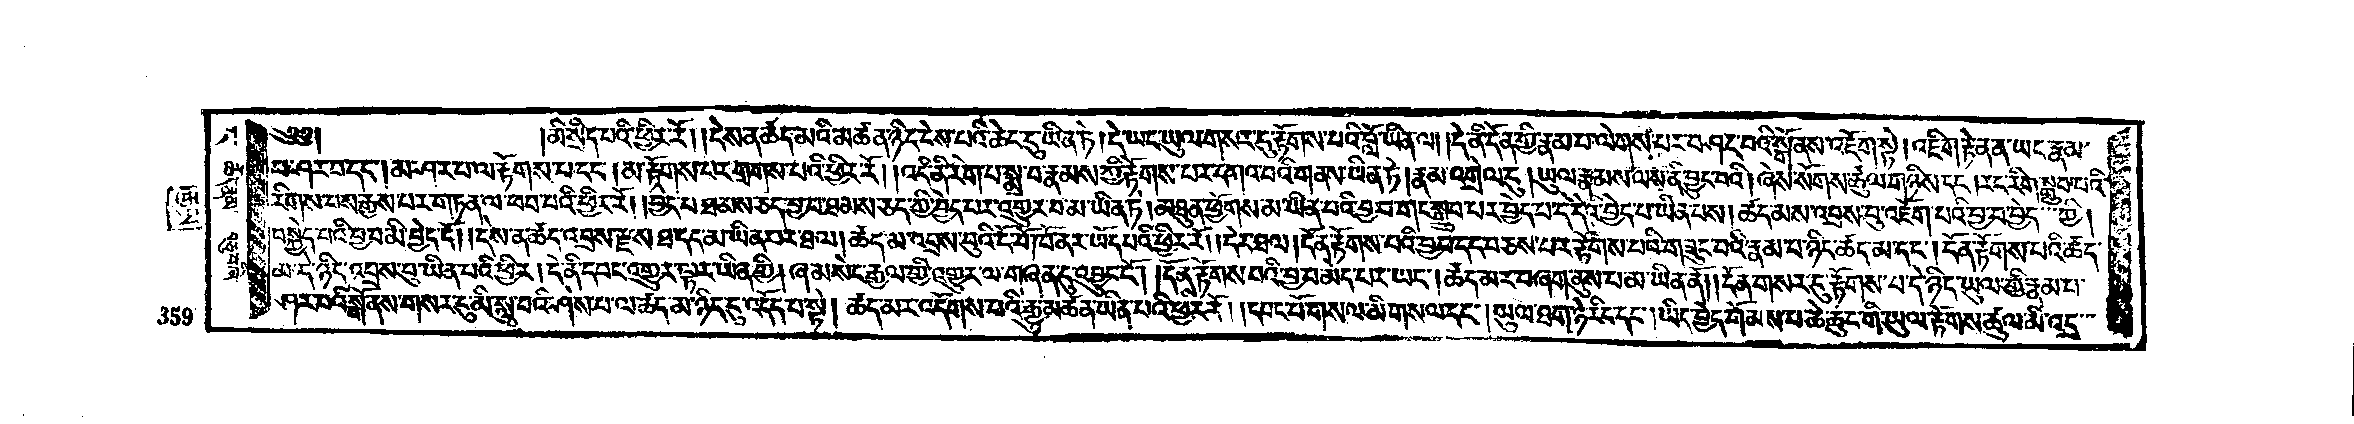༄༅། །མི་སྲིད་པའི་ཕྱིར་རོ། །དེས་ན་ཚད་མའི་མཚན་ཉིད་ངེས་པའི་ཆེད་དུ་ཡིན་ཏེ། དེ་ཡང་ཡུལ་གསར་དུ་རྟོགས་པའི་བློ་ཡིན་ལ། །དེ་ནི་དོན་གྱི་རྣམ་པ་ལེགས་པར་བཤད་པའི་སྒོ་ནས་འཇོག་སྟེ། འཇིག་རྟེན་ན་ཡང་རྣམ་
པ་ཤར་བ་དང་། མ་ཤར་བ་ལ་རྟོགས་པ་དང་། མ་རྟོགས་པར་གྲགས་པའི་ཕྱིར། འདི་ནི་རེག་པ་སྨྲ་བ་རྣམས་ཀྱི་རྟོགས་པར་དགའ་བའི་གནས་ཡིན་ཏེ། རྣམ་འགྲེལ་དུ། ཡུལ་རྣམས་ལས་ནི་བྱུང་བའི་ཞེས་སོགས་ཚུལ་གཉིས་དང་། རང་རིག་སྒྲུབ་པའི་
རིགས་པས་རྒྱས་པར་གཏན་ལ་ཕབ་པའི་ཕྱིར་རོ། །བྱེད་པ་ཐམས་ཅད་ཀྱི་བྱེད་པར་འགྱུར་བ་མ་ཡིན་ཏེ། མཐུན་ཕྱོགས་མ་ཡིན་པའི་བྱ་བ་གང་སྒྲུབ་པར་བྱེད་པ་དེ་དེའི་བྱེད་པ་ཡིན་པས། ཚད་མས་འབྲས་བུ་འཇོག་པའི་བྱ་བ་བྱེད་ཀྱི།
བསྐྱེད་པའི་བྱ་བ་མི་བྱེད་དོ། །དེས་ན་ཚད་འབྲས་རྫས་ཐ་དད་མ་ཡིན་པར་ཐལ། ཚད་མ་འབྲས་བུའི་ངོ་བོ་ཁོ་ནར་ཡོད་པའི་ཕྱིར་རོ། །དེར་ཐལ། དོན་རྟོགས་པའི་བྱ་བ་དང་བཅས་པར་རྟོགས་པའི་གཟུང་བའི་རྣམ་པ་ཉིད་ཚད་མ་དང་། དོན་རྟོགས་པའི་ཚད་
མ་དེ་ཉིད་འབྲས་བུ་ཡིན་པའི་ཕྱིར། དེ་ནི་དབང་འགྱུར་ལྟར་ཡིན་གྱི། ཞམ་སེང་རྒྱལ་གྱི་འགྱུར་ལ་གཞན་དུ་འབྱུང་ངོ། །དོན་རྟོགས་པའི་བྱ་བ་མེད་པར་ཡང་། ཚད་མར་བཞག་ནུས་པ་མ་ཡིན་ནོ། །དོན་གསར་དུ་རྟོགས་པ་དེ་ཉིད་ཡུལ་གྱི་རྣམ་པ་
ཤར་བའི་སྒོ་ནས་གསར་དུ་མི་སླུ་བའི་ཤེས་པ་ལ་ཚད་མ་ཡིད་དུ་འདོད་པ་སྟེ། ཚད་མར་འདོགས་པའི་རྒྱུ་མཚན་ཡིན་པའི་ཕྱིར་རོ། །དབང་པོ་གསལ་མི་གསལ་དང་། ཡུལ་ཐག་ཉེ་རིང་དང་། ཡིད་བྱེད་གོམས་པ་ཆེ་ཆུང་གི་ཡུལ་རྟོགས་ཚུལ་མི་འདྲ་